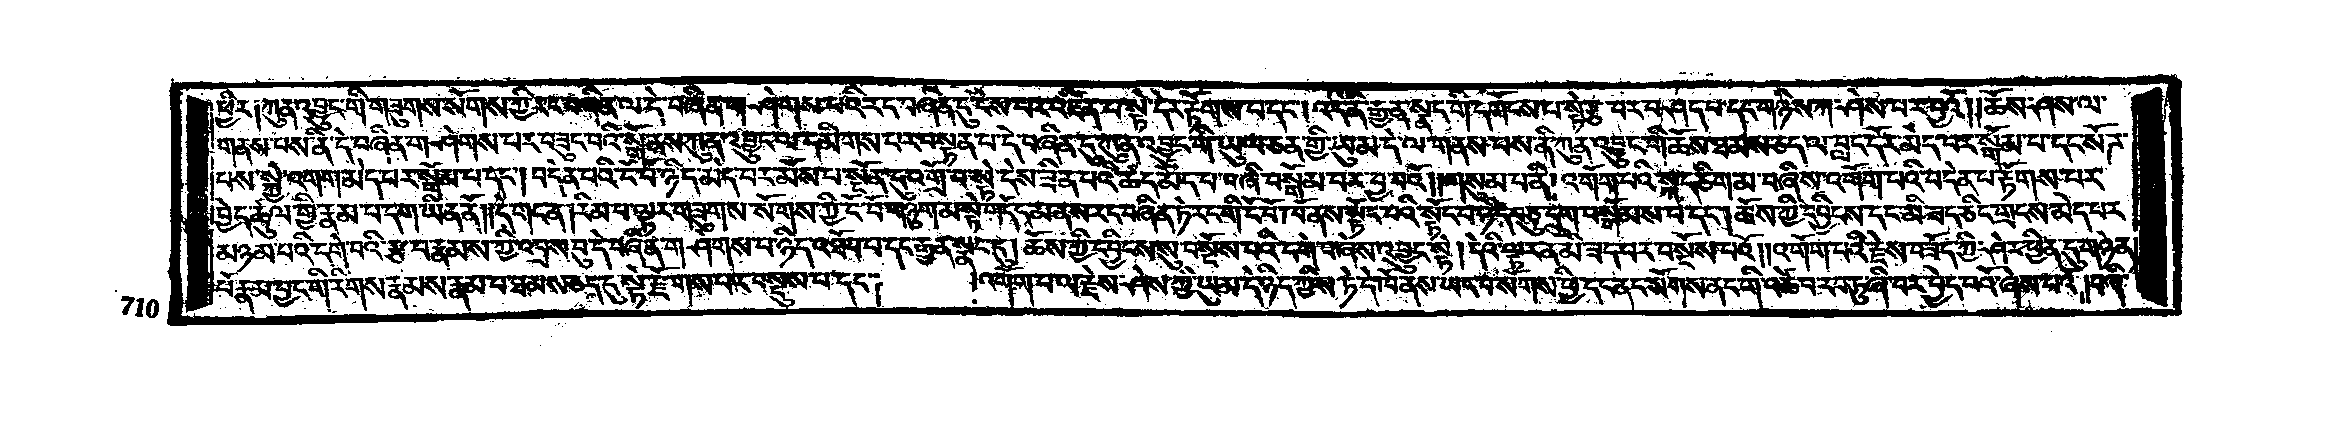ཕྱིར། ཀུན་འབྱུང་གི་གཟུགས་སོགས་ཀྱི་རང་བཞིན་ལ་དེ་བཞིན་གཤེགས་པའི་རང་བཞིན་དུ་ངེས་པར་འཛིན་པ་སྟེ་དེར་རྟོགས་པ་དང་། འདི་ནི་རྒྱན་སྣང་གི་དགོངས་པ་སྟེ་རྩ་བར་བཤད་པ་དང་གཉིས་ཀ་ཤེས་པར་བྱའོ། །ཆོས་ཤས་ལ་
གནས་པས་ནི་དེ་བཞིན་གཤེགས་པར་བཟུང་བའི་སྒོ་ནས་ཀུན་འབྱུང་ལ་དམིགས་པར་བསྟན་པ་དེ་བཞིན་དུ་ཀུན་འབྱུང་གི་ཡུལ་ཅན་གྱི་ཡུམ་དེ་ལ་གནས་པས་ནི་ཀུན་འབྱུང་གི་ཆོས་ཐམས་ཅད་ལ་བླང་དོར་མེད་པར་སྒོམ་པ་དང་སོགས་
པས་སྐྱེ་འགག་མེད་པར་སྒོམ་པ་དང་། བདེན་པའི་ངོ་བོ་ཉིད་མེད་པར་མོས་པ་སྔོན་དུ་འགྲོ་བ་སྟེ་དེས་ཟིན་པའི་ཚད་མེད་པ་བཞི་བསྒོམ་པར་བྱ་བའོ། །གསུམ་པ་ནི། འགོག་པའི་སྐད་ཅིག་མ་བཞིས་འགོག་པའི་བདེན་པ་རྟོགས་པར་
བྱེད་ཚུལ་གྱི་རྣམ་པ་དག་ཡིན་ནོ། །དེ་གང་ན། རིམ་པ་ལྟར་གཟུགས་སོགས་ཀྱི་ངོ་བོ་གཉུག་མ་སྟེ་གདོད་མ་ནས་རང་བཞིན་ཏེ་རང་གི་ངོ་བོ་ཁོ་ནས་སྟོང་པའི་སྟོང་པ་ཉིད་བཅུ་དྲུག་བསྒོམས་པ་དང་། ཆོས་ཀྱི་དབྱིངས་དང་མི་ཟད་ཅིང་གྲངས་མེད་པར་
མཉམ་པའི་དགེ་བའི་རྩ་བ་རྣམས་ཀྱི་འབྲས་བུ་དེ་བཞིན་གཤེགས་པ་ཉིད་འཐོབ་པ་དང་རྒྱན་སྣང་དུ། ཆོས་ཀྱི་དབྱིངས་སུ་བསྔོས་པའི་དགེ་བ་ཞེས་འབྱུང་སྟེ། དེའི་ལྟར་ན་མི་ཟད་པར་བསྔོས་པའོ། །འགོག་པའི་རྗེས་བཟོད་ཀྱི་ཤེར་ཕྱིན་དུ་གཉེན་
པོ་རྣམ་བྱང་གི་རིགས་རྣམས་རྣམ་པ་ཐམས་ཅད་དུ་སྟེ་རྫོགས་པར་བསྡུས་པ་དང་། །འགོག་པ་ལ་རྗེས་ཤེས་ཀྱི་ཡུམ་དེ་ཉིད་ཀྱིས་ཏེ་དེ་ཁོ་ནས་ཡང་བ་སོགས་ཕྱི་དང་ནང་སོགས་ནང་གི་འཚེ་བ་རབ་ཏུ་ཞི་བར་བྱེད་པའོ་ཞེས་པའོ། །བཞི་